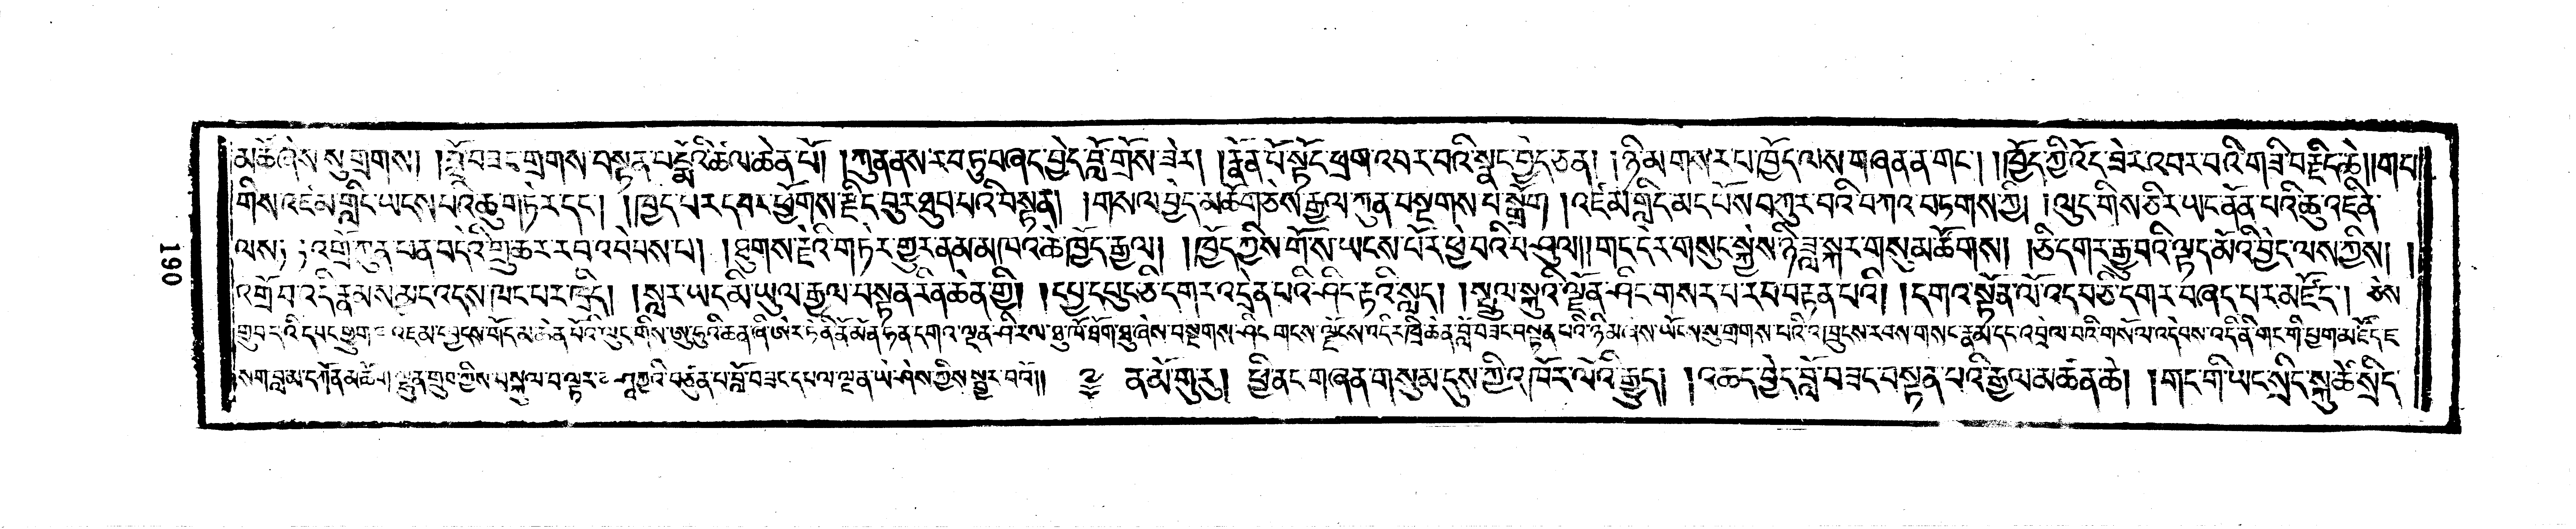མཚོ་ཞེས་སུ་གྲགས། །བློ་བཟང་གྲགས་བསྟན་པདམོའི་ཚལ་ཆེན་པོ། །ཀུན་ནས་རབ་ཏུ་བཞད་བྱེད་བློ་གྲོས་ཟེར། །རྣོན་པོ་སྟོང་ཕྲག་འབར་བའི་སྣང་བྱེད་ཅན། །ཉི་མ་གསར་པ་ཁྱོད་ལས་གཞན་ན་གང་། །ཁྱོད་ཀྱི་འོད་ཟེར་འབར་བའི་གཟི་བརྗིད་ཆེ། །ག་བ་
གིས་འཛམ་གླིང་ཡངས་བའི་ཆུ་གཏེར་དང་། །ཁྱད་པར་དབང་ཕྱོགས་རྫིང་བུར་ཐུབ་པའི་བསྟན། །གསལ་བྱེད་མཆོག་ཅེས་རྒྱལ་ཀུན་བསྔགས་པ་སྒྲོག །འཛམ་གླིང་མང་པོས་བཀུར་བའི་བཀའ་བཏགས་ཀྱི། །ལུང་གིས་ཅིར་ཡང་ནོན་པའི་ཆུ་འཛིན་
ལས༑ ༑འགྲོ་ཀུན་ཕན་བདེའི་གྲུ་ཆར་རབ་འབེབས་པ། །ཐུགས་རྗེའི་གཏེར་གྱུར་ནམ་མཁའ་ཆེ་ཁྱོད་རྒྱལ། །ཁྱོད་ཀྱིས་གོས་ཡངས་པོར་ཕྱེ་བའི་བཤུལ། །གང་ངེར་གསུང་སྐྱེས་ཉི་ཟླ་སྐར་གསུམ་ཚོགས། །ཅི་དགར་རྒྱུ་བའི་ལྟད་མོའི་བྱེད་ལས་ཀྱིས། །
འགྲོ་བ་འདི་རྣམས་མྱང་འདས་ཁང་པར་ཁྲིད། །སླར་ཡང་མི་ཡུལ་རྒྱལ་བསྟན་རིན་ཆེན་གྱི། །དཔྱ་དཔུང་ཅི་དགར་འདྲེན་པའི་ཤིང་རྟའི་སླད། །སྤྲུལ་སྐུའི་ལྗོན་ཤིང་གསར་པ་རབ་བརྟན་པའི། །དགའ་སྟོན་ལོ་འདབ་ཅི་དགར་བཞད་པར་མཛོད། ཅེས་
གྲུབ་པའི་དཔང་ཕྱུག་༧་འཇམ་དབྱངས་གོང་མ་ཆེན་པོའི་ལུང་གིས་ཨུ་ཧུའི་ཆན་ཞི་ཨེར་ཏེ་ནི་ནོ་མོན་ཧན་དགའ་ལྡན་ཤི་རལ་ཐུ་ཁོ་ཐོག་ཐུ་ཞེས་བསྔགས་ཤིང་གངས་ལྗོངས་འདིར་ཁྲི་ཆེན་བློ་བཟང་བསྟན་པའི་ཉི་མ་ཞེས་ཡོངས་སུ་གྲགས་པའི་འཁྲུངས་རབས་གསང་རྣམ་དང་འབྲེལ་བའི་གསོལ་འདེབས་འདི་ནི་གང་གི་ཕྱག་མཛོད་ཇ་
སག་བླ་མ་དཀོན་མཆོག་ལྷུན་གྲུབ་ཀྱིས་བསྐུལ་པ་ལྟར་༧་ཤཱཀྱའི་བཙུན་པ་བློ་བཟང་དཔ་ལྡན་ཡེ་ཤེས་ཀྱིས་སྦྱར་པའོ།། ༈ ན་མོ་གུ་རུ། ཕྱི་ནང་གཞན་གསུམ་དུས་ཀྱི་འཁོར་ལོའི་རྒྱུད། །འཆད་བྱེད་བློ་བཟང་བསྟན་པའི་རྒྱལ་མཚན་ཆེ། །གང་གི་ཡང་སྲིད་སྐུ་ཚེ་སྲིད་